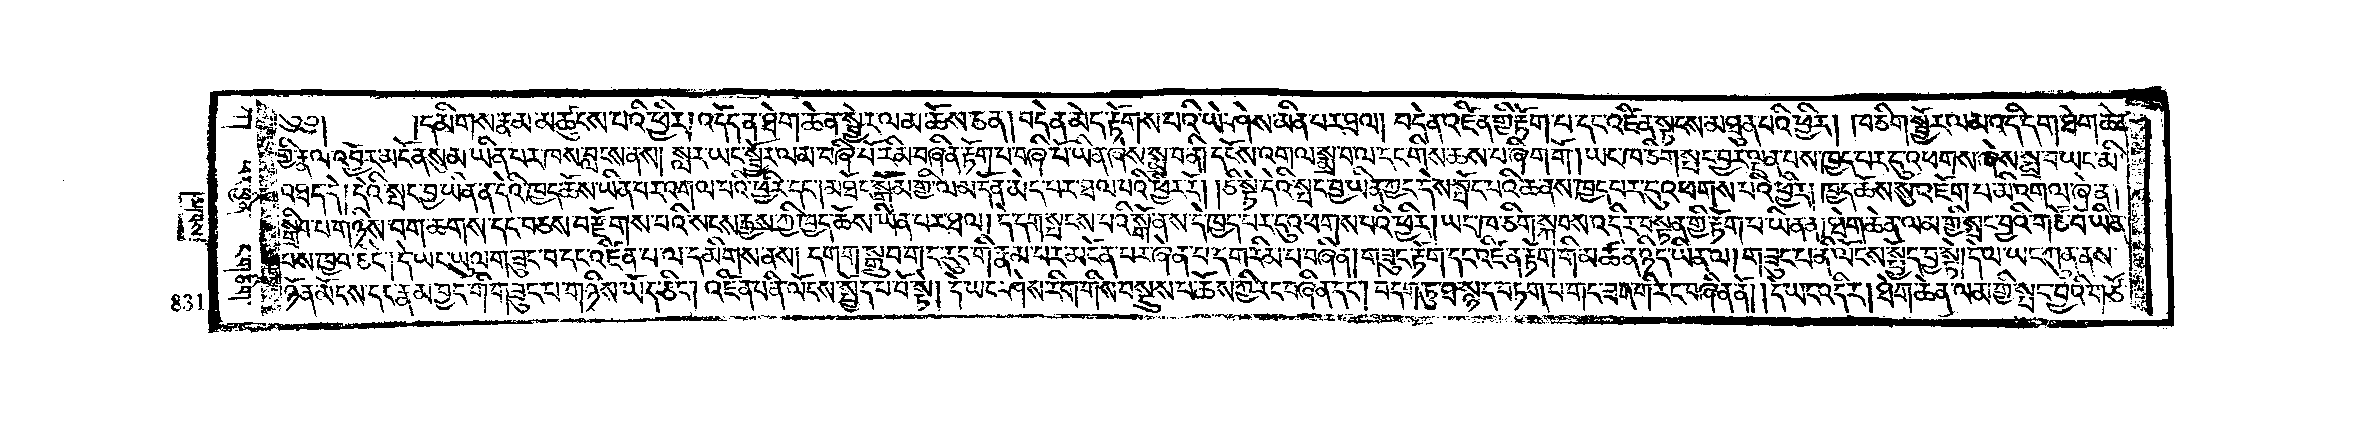༄༅། །དམིགས་རྣམ་མཚུངས་པའི་ཕྱིར། འདོད་ན་ཐེག་ཆེན་སྦྱོར་ལམ་ཆོས་ཅན། བདེན་མེད་རྟོགས་པའི་ཡེ་ཤེས་མིན་པར་ཐལ། བདེན་འཛིན་གྱི་རྟོག་པ་དང་འཛིན་སྟངས་མཐུན་པའི་ཕྱིར། ཁ་ཅིག་སྦྱོར་ལམ་འདི་དག་ཐེག་ཆེན་
གྱི་རྣལ་འབྱོར་མངོན་སུམ་ཡིན་པར་ཁས་བླངས་ནས། སླར་ཡང་སྦྱོར་ལམ་བཞི་པོ་རིམ་བཞིན་རྟོག་པ་བཞི་པོ་ཡིན་ཞེས་སྨྲ་བ་ནི། དངོས་འགྲེལ་སྨྲ་བ་ལ་དང་གིས་ཆས་པ་ཞིག་གོ། ཡང་ཁ་ཅིག་སྤང་བྱར་ལྡན་པས་ཁྱད་པར་དུ་འཕགས་ཞེས་སྨྲ་བ་ཡང་མི་
འཐད་དེ། དེའི་སྤང་བྱ་ཡིན་ན་དེའི་ཁྱད་ཆོས་ཡིན་པར་འགལ་བའི་ཕྱིར་དང་། མཐོང་སྒོམ་གྱི་ལམ་དོན་མེད་པར་ཐལ་པའི་ཕྱིར་རོ། །ཅི་སྟེ་དེའི་སྤང་བྱ་ཡིན་ཀྱང་དེས་སྤོང་བའི་ཆ་ནས་ཁྱད་པར་དུ་འཕགས་པའི་ཕྱིར། ཁྱད་ཆོས་སུ་འཇོག་པ་མི་འགལ་ཞེ་ན།
སྒྲིབ་པ་གཉིས་བག་ཆགས་དང་བཅས་བརྫོགས་པའི་སངས་རྒྱས་ཀྱི་ཁྱད་ཆོས་ཡིན་པར་ཐལ། དེ་དག་སྤངས་པའི་སྒོ་ནས་དེ་ཁྱད་པར་དུ་འཕགས་པའི་ཕྱིར། ཡང་ཁ་ཅིག་སྐབས་འདིར་བསྟན་གྱི་རྟོག་པ་ཡིན་ན། ཐེག་ཆེན་ལམ་གྱི་སྤང་བྱའི་གཙོ་བོ་ཡིན་
པས་ཁྱབ་ཅིང་། དེ་ཡང་ཡུལ་གཟུང་བ་དང་འཛིན་པ་ལ་དམིགས་ནས། དགག་སྒྲུབ་གང་རུང་གི་རྣམ་པར་མངོན་པར་ཞེན་པ་དག་རིམ་པ་བཞིན། གཟུང་རྟོག་དང་འཛིན་རྟོག་གི་མཚན་ཉིད་ཡིན་ལ། གཟུང་བ་ནི་ལོངས་སྤྱོད་བྱ་སྟེ། དེ་ལ་ཡང་ཀུན་ནས་
ཉོན་མོངས་དང་རྣམ་བྱང་གི་གཟུང་བ་གཉིས་ཡོད་ཅིང་། འཛིན་པ་ནི་ལོངས་སྤྱོད་པ་པོ་སྟེ། དེ་ཡང་ཤེས་རིག་གིས་བསྡུས་པ་ཆོས་ཀྱི་རང་བཞིན་དང་། བདག་ཏུ་ཐ་སྙད་བཏག་པ་གང་ཟག་གི་རང་བཞིན་ནོ། །དེ་ཡང་འདིར། ཐེག་ཆེན་ལམ་གྱི་སྤང་བྱའི་གཙོ་